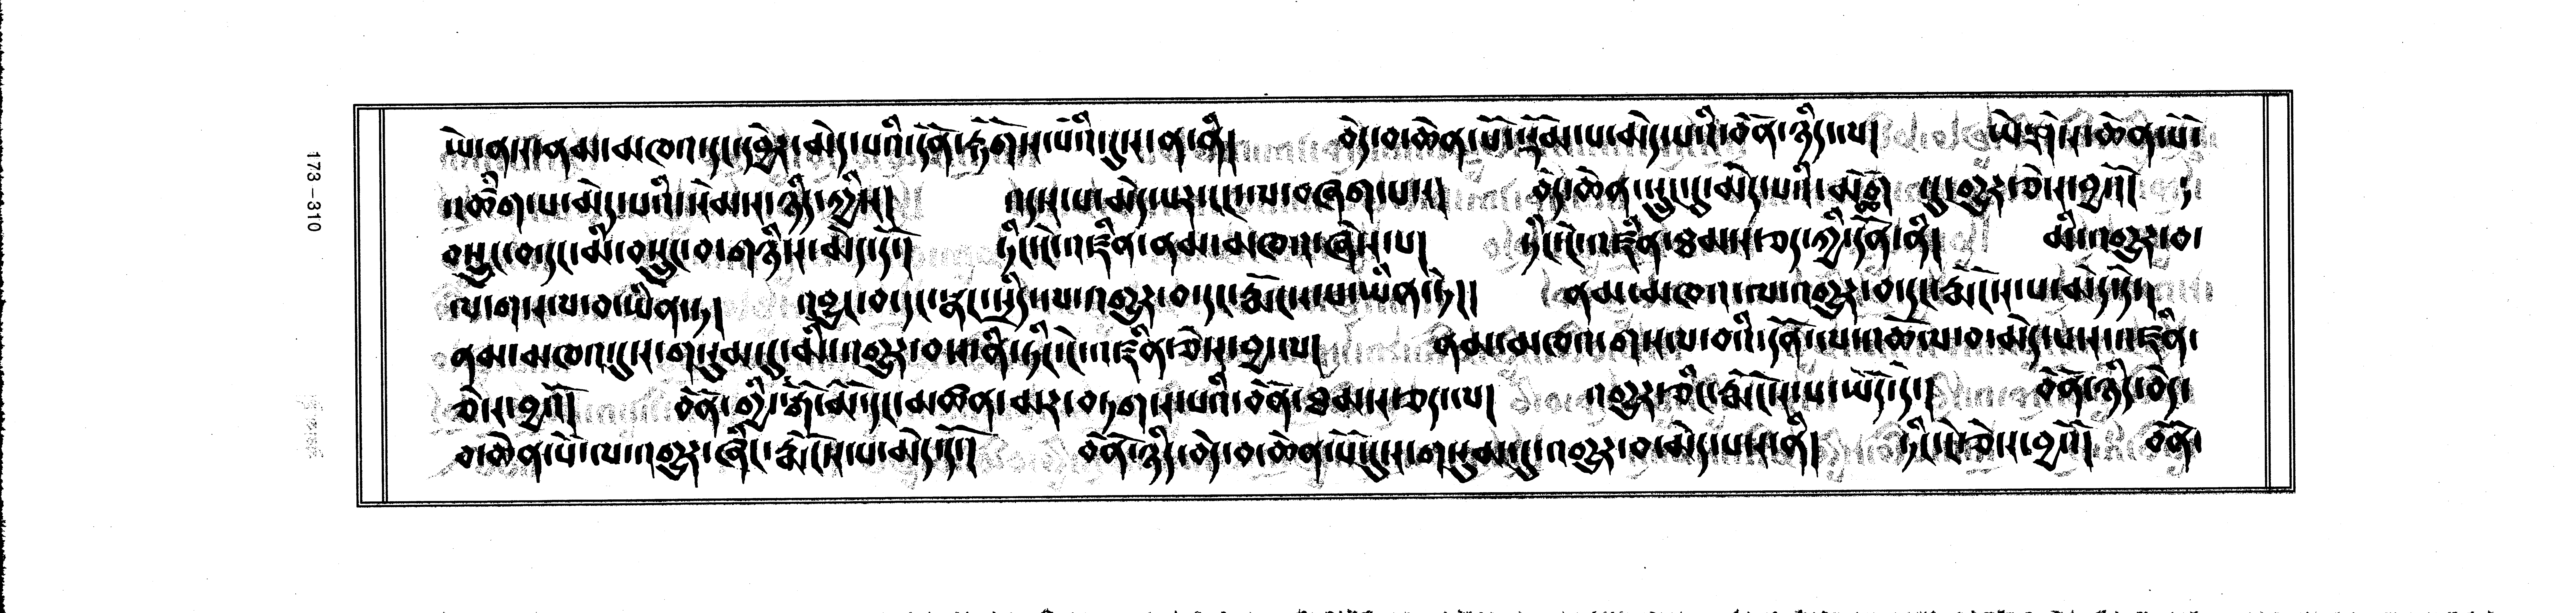ཡེ་ནས་ནམ་མཁའ་དང་དབྱེར་མེད་པར་དོན་རྟོགས་པའི་དུས་ན་ནི། བདེ་བ་ཆེན་པོ་སྡོམ་པ་མེད་པའི་བོན་ཉིད་ལ། ཡེ་ཤེས་ཆེན་པོ་
འཚིག་པ་མེད་པའི་སེམས་ཉིད་ཀྱིས། འདས་པ་མེད་པར་ངང་ལ་བཞག་པས། བདེ་ཆེན་བསྲུང་དུ་མེད་པའི་མཆོག་ཏུ་གྱུར་ཅེས་བྱའོ། །
བསྲུང་བ་དང་མི་བསྲུང་བ་གཉིས་མེད་དོ། །ཏིང་ངེ་འཛིན་ནམ་མཁའ་ཞེས་པ། ཏིང་ངེ་འཛིན་ཐམས་ཅད་ཀྱི་དོན་ནི། མི་འགྱུར་བ་
ལ་གསལ་བ་ཡིན་ཏེ། འབྱུང་བ་དང་སྣང་སྲིད་ལ་འགྱུར་བ་དང་རྨོངས་པ་ཡིན་ཏེ། ནམ་མཁའ་ལ་འགྱུར་བ་དང་རྨོངས་པ་མེད་དེ། 
ནམ་མཁའ་དུས་གསུམ་དུ་མི་འགྱུར་བས་ནི་ཏིང་ངེ་འཛིན་ཅེས་བྱ་ལ། ནམ་མཁའ་གསལ་བའི་དོན་ལ་འཆོལ་བ་མེད་པས་འཛིན་
ཅེས་བྱའོ། །བོན་གྱི་སྒོ་མོ་དང་མཚན་མར་བཏགས་པའི་བོན་ཐམས་ཅད་ལ། འགྱུར་ཅིང་རྨོངས་པ་ཡོད་དེ། བོན་ཉིད་བདེ་
བ་ཆེན་པོ་ལ་འགྱུར་ཅིང་རྨོངས་པ་མེད་དོ། །བོན་ཉིད་བདེ་བ་ཆེན་པོ་དུས་གསུམ་དུ་འགྱུར་བ་མེད་པས་ནི། ཏིང་ངེ་ཅེས་བྱའོ། །བོན་